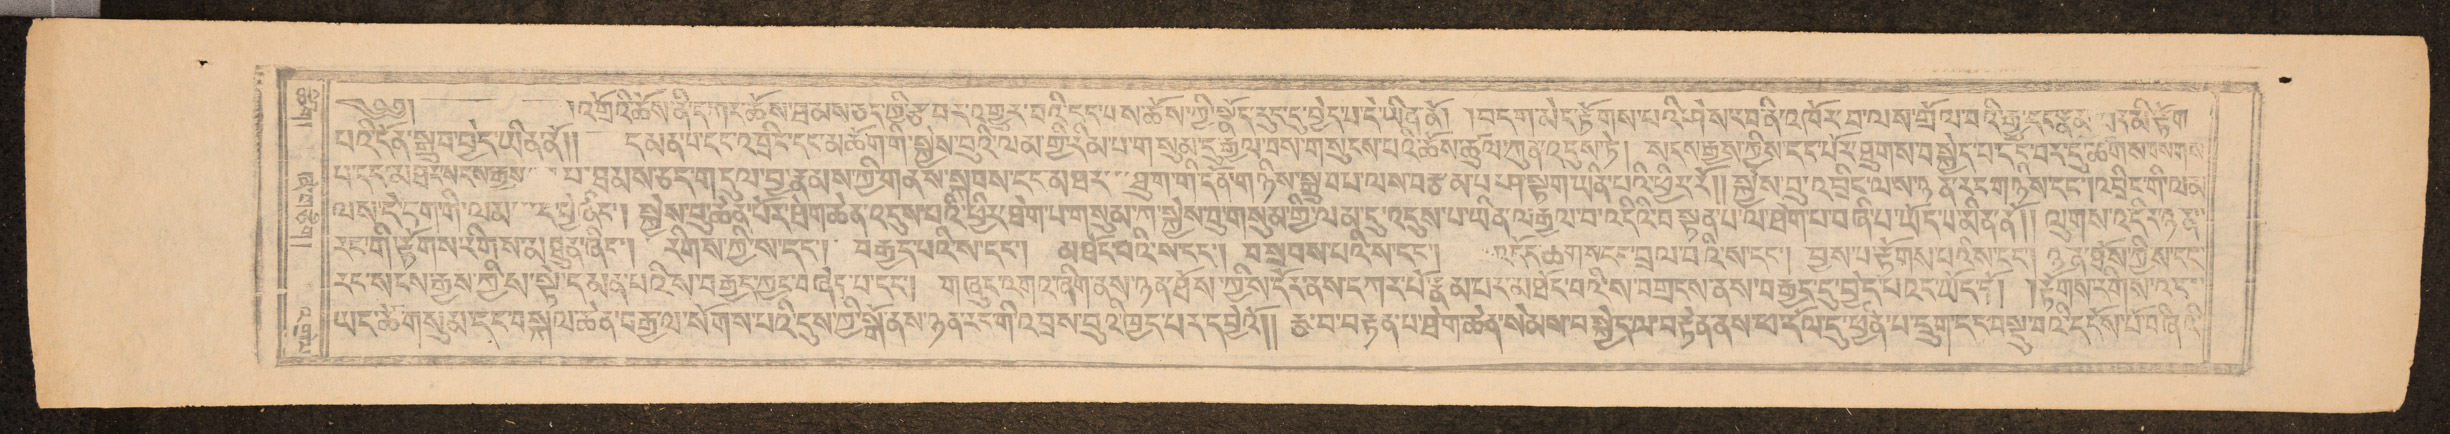༄༅། །འགྲོའི་ཆོས་ནི་དཀར་ཆོས་ཐམས་ཅད་ཀྱི་རྩ་བར་འགྱུར་བའི་དད་པས་ཆོས་ཀྱི་སྣོད་རུང་དུ་བྱེད་པ་དེ་ཡིན་ནོ། །བདག་མེད་རྟོགས་པའི་ཤེས་རབ་ནི་འཁོར་བ་ལས་གྲོལ་བའི་རྒྱུ་དང་རྣམ་པར་མི་རྟོག་
པའི་དོན་སྒྲུབ་བྱེད་ཡིན་ནོ།། དམན་པ་དང་འབྲིང་དང་མཆོག་གི་སྐྱེས་བུའི་ལམ་གྱི་རིམ་པ་གསུམ་དུ་རྒྱལ་བས་གསུངས་པའི་ཆོས་ཚུལ་ཀུན་འདུས་ཏེ། སངས་རྒྱས་ཀྱིས་དང་པོར་ཐུགས་བསྐྱེད་པ་དང་བར་དུ་ཚོགས་བསགས་
པ་དང་མཐར་སངས་རྒྱས་པ་ཐམས་ཅད་གདུལ་བྱ་རྣམས་ཀྱི་གནས་སྐབས་དང་མཐར་ཐུག་གི་དོན་གཉིས་སྒྲུབ་པ་ལས་བརྩམ་པ་ཤ་སྟག་ཡིན་པའི་ཕྱིར་རོ།། སྐྱེས་བུ་འབྲིང་ལས་ཉན་རང་གཉིས་དང་། འབྲིང་གི་ལམ་
ལས་དེ་དག་གི་ལམ་དབྱེ་ཞིང་། སྐྱེས་བུ་ཆེན་པོར་ཐེག་ཆེན་འདུས་པའི་ཕྱིར་ཐེག་པ་གསུམ་ཀ་སྐྱེས་བུ་གསུམ་གྱི་ལམ་དུ་འདུས་པ་ཡིན་ལ་རྒྱལ་བ་འདིའི་བསྟན་པ་ལ་ཐེག་པ་བཞི་པ་ཡོད་པ་མིན་ནོ།། ལུགས་འདིར་ཉན་
རང་གི་རྟོགས་རིགས་མཐུན་ཞིང་། རིགས་ཀྱི་ས་དང་། བརྒྱད་པའི་ས་དང་། མཐོང་པའི་ས་དང་། བསྲབས་པའི་ས་དང་། འདོད་ཆགས་དང་བྲལ་བའི་ས་དང་། བྱས་པ་རྟོགས་པའི་ས་དང་། ཉན་ཐོས་ཀྱིས་དང་
རང་སངས་རྒྱས་ཀྱིས་སྟེ་དམན་པའི་ས་བརྒྱད་ཀྱང་བཞེད་པ་དང་། གཞུང་འགའ་ཞིག་ནས་ཉན་ཐོས་ཀྱིས་དོར་ནས་དཀར་པོ་རྣམ་པར་མཐོང་བའི་ས་བགྲངས་ནས་བརྒྱད་དུ་བྱེད་པའང་ཡོད་དོ། །རྟོགས་རིགས་འང་
ཡང་ཚེ་གསུམ་དང་བསྐལ་ཆེན་བརྒྱ་ལ་སོགས་པའི་དུས་ཀྱི་སྒོ་ནས་ཉན་རང་གི་འབྲས་བུའི་ཁྱད་པར་དབྱེའོ།། རྩ་བ་བརྟན་པ་ཐེག་ཆེན་སེམས་བསྐྱེད་ལ་བརྟེན་ནས་ཕ་རོལ་དུ་ཕྱིན་པ་དྲུག་དང་བསྡུ་བའི་དངོས་པོ་བཞིའི་